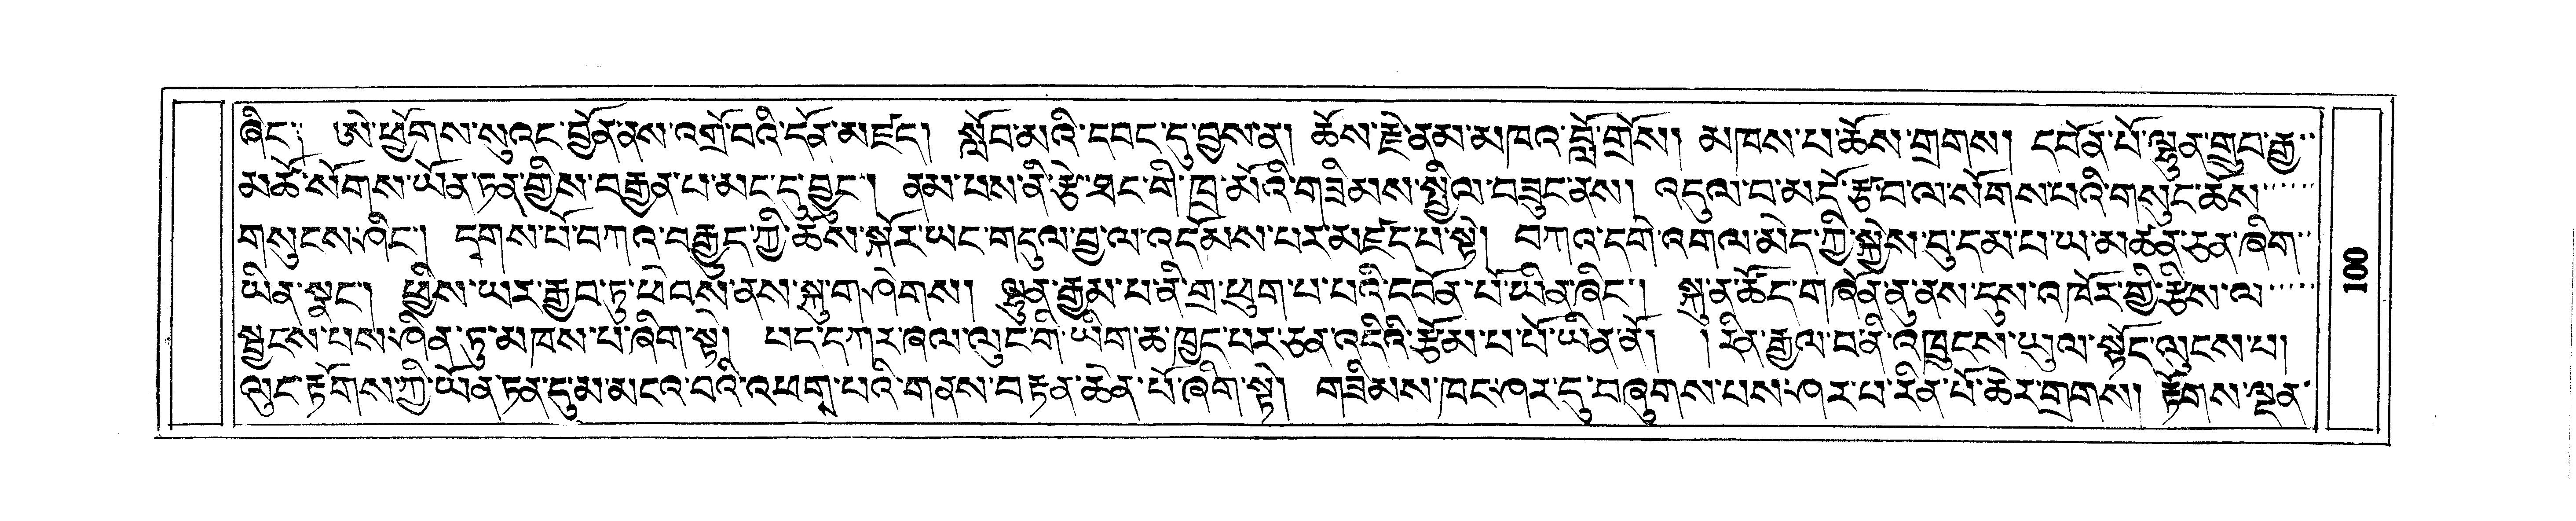ཞིང༑ ཨེ་ཕྱོགས་སུའང་བྱོན་ནས་འགྲོ་བའི་དོན་མཛད། སློབ་མའི་དབང་དུ་བྱས་ན། ཆོས་རྗེ་ནམ་མཁའ་བློ་གྲོས། མཁས་པ་ཆོས་གྲགས། དབོན་པོ་ལྷུན་གྲུབ་རྒྱ་
མཚོ་སོགས་ཡོན་ཏན་གྱིས་བརྒྱན་པ་མང་དུ་བྱུང་། ནམ་པས་ནི་རྩེ་ཐང་གི་ཁྲ་མོའི་གཟིམས་སྤྱིལ་བཟུང་ནས། འདུལ་བ་མདོ་རྩ་བ་ལ་སོགས་པའི་གསུང་ཆོས་
གསུངས་ཤིང་། དྭགས་པོ་བཀའ་བརྒྱུད་ཀྱི་ཆོས་སྐོར་ཡང་གདུལ་བྱ་ལ་འདོམས་པར་མཛད་པ་སྟེ། བཀའ་དགེ་འགལ་མེད་ཀྱི་སྐྱེས་བུ་དམ་པ་ཡ་མཚན་ཅན་ཞིག་
ཡིན་སྣང་། ཕྱིས་ཡར་རྒྱབ་ཏུ་ཕེབས་ནས་སྐུ་གཤེགས། ལྷུན་རྒྱམ་པ་ནི་གྲ་ཕུག་པ་པའི་དབོན་པོ་ཡིན་ཞིང་། སྐུ་ན་ཚོད་གཞོན་ནུ་ནས་དུས་འཁོར་གྱི་རྩིས་ལ་
སྦྱངས་པས་ཤིན་ཏུ་མཁས་པ་ཞིག་སྟེ། པད་དཀར་ཞལ་ལུང་གི་ཡིག་ཆ་ཁྱད་པར་ཅན་འདིའི་རྩོམ་པ་པོ་ཡིན་ནོ། །རིན་རྒྱལ་བ་ནི་འཁྲུངས་ཡུལ་སྟོང་ལུངས་པ།
ལུང་རྟོགས་ཀྱི་ཡོན་ཏན་དུ་མ་མངའ་བའི་འཕགས་པའི་གནས་བརྟན་ཆེན་པོ་ཞིག་སྟེ། གཟིམས་ཁང་ཤར་དུ་བཞུགས་པས་ཤར་པ་རིན་པོ་ཆེར་གྲགས། རྟོགས་ལྡན་